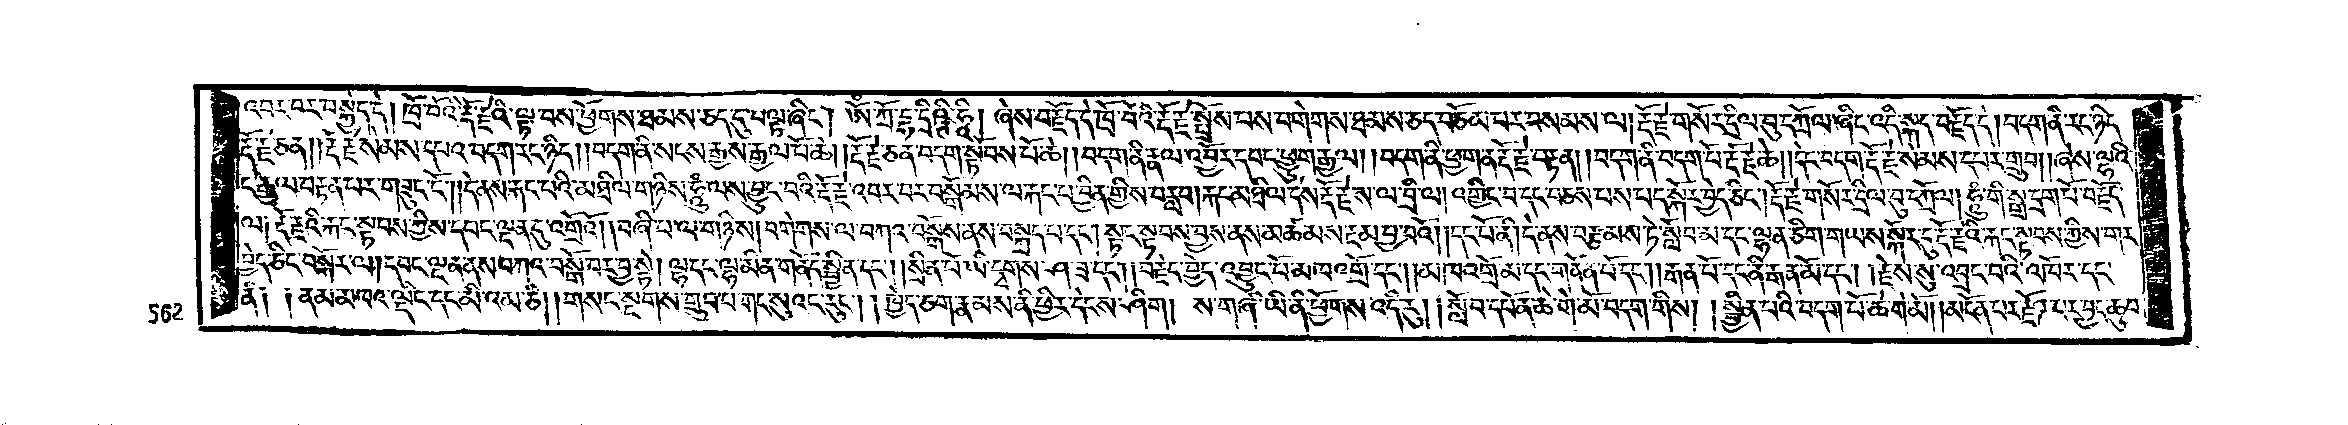འབར་བར་བསྐྱེད་དེ། ཁྲོ་བོའི་རྡོ་རྗེའི་ལྟ་བས་ཕྱོགས་ཐམས་ཅད་དུ་བལྟ་ཞིང་། ཨོཾ་ཀྲོ་དྷ་དྲིཥྚི་ཧཱི། ཞེས་བརྗོད་དེ་ཁྲོ་བོའི་རྡོ་རྗེ་སྤྲོས་པས་བགེགས་ཐམས་ཅད་བཅོམ་པར་བསམས་ལ། རྡོ་རྗེ་གསོར་དྲིལ་བུ་དཀྲོལ་ཞིང་འདི་སྐད་བརྗོད་དེ། བདག་ནི་རང་ཉིད་
རྡོ་རྗེ་ཅན། །རྡོ་རྗེ་སེམས་དཔའ་བདག་རང་ཉིད། །བདག་ནི་སངས་རྒྱས་རྒྱལ་པོ་ཆེ། །རྡོ་རྗེ་ཅན་བདག་སྟོབས་པོ་ཆེ། །བདག་ནི་རྣལ་འབྱོར་དབང་ཕྱུག་རྒྱལ། །བདག་ནི་ཕྱག་ན་རྡོ་རྗེ་བརྟན། །བདག་ནི་བདག་པོ་རྡོ་རྗེ་ཆེ། །དེང་བདག་རྡོ་རྗེ་སེམས་དཔར་གྲུབ། །ཞེས་ལྷའི་
ང་རྒྱལ་བརྟན་པར་གཟུང་ངོ། །དེ་ནས་རྐང་པའི་མཐིལ་གཉིས་ཧཱུཾ་ལས་བྱུང་བའི་རྡོ་རྗེ་འབར་བར་བསྒོམས་ལ་རྐང་པ་བྱིན་གྱིས་བརླབ། རྐང་མཐིལ་དེས་རྡོ་རྗེ་ས་ལ་བྲི་ལ། འགྱིང་བ་དང་བཅས་པས་པད་སྐོར་བྱེད་ཅིང་། རྡོ་རྗེ་གསོར་དྲིལ་བུ་དཀྲོལ། ཧཱུཾ་གི་སྒྲ་དྲག་པོ་བརྗོད་
ལ། རྡོ་རྗེའི་རྐང་སྟབས་ཀྱིས་དབང་ལྡན་དུ་འགྲོའོ། །བཞི་པ་ལ་གཉིས། བགེགས་ལ་བཀའ་བསྒོས་ནས་བསྐྲད་པ་དང་། སྟང་སྟབས་བྱས་ནས་མཚམས་རྔམ་བྱ་བའོ། །དང་པོ་ནི། དེ་ནས་བརྩམས་ཏ་སློབ་མ་དང་ལྷན་ཅིག་གཡས་སྐོར་དུ་རྡོ་རྗེའི་རྐང་སྟབས་ཀྱིས་གར་
བྱེད་ཅིང་བསྐོར་ལ། དབང་ལྡན་ནས་བཀའ་བསྒོ་བར་བྱ་སྟེ། ལྷ་དང་ལྷ་མིན་གནོད་སྦྱིན་དང་། །སྲིན་པོ་ཡི་དྭགས་ཤ་ཟ་དང་། །བརྗེད་བྱེད་འབྱུང་པོ་མཁའ་འགྲོ་དང་། །མཁའ་འགྲོ་མ་དང་གནོན་པོ་དང་། །རྒན་པོ་དང་ནི་རྒན་མོ་དང་། །རྗེས་སུ་འབྲང་བའི་འཁོར་དང་
ནི༑ ༑ནམ་མཁའ་ལྡིང་དང་མི་འམ་ཅི། །གསང་སྔགས་གྲུབ་པ་གང་སུའང་རུང་། །ཁྱེད་ཅག་རྣམས་ནི་ཕྱིར་དེངས་ཤིག །ས་གཞི་ཡི་ནི་ཕྱོགས་འདི་རུ། །སློབ་དཔོན་ཆེ་གེ་མོ་བདག་གིས། །སྦྱིན་པའི་བདག་པོ་ཆེ་གེ་མོ། །མངོན་པར་རྫོགས་པར་བྱང་ཆུབ་